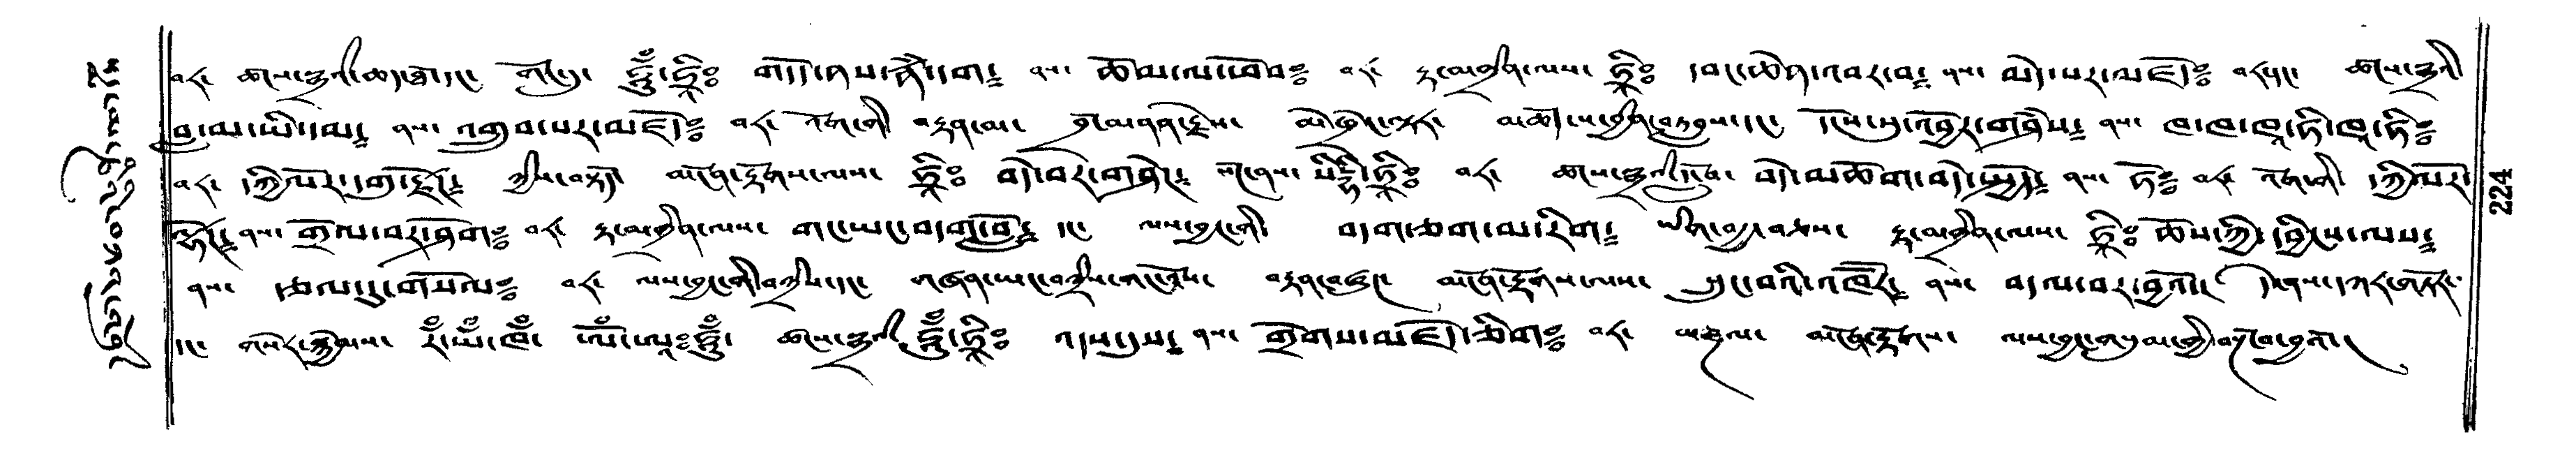བར། ཚངས་སྒྲའི་ཆད་ཐོ་དང་། གོང་དུ། ཧཱུྃ་ཧྲཱི༔ གདོད་ནས་རྣམ་དག༴ ནས། ཆེམ་ལ་ཕོབ༔ བར། རྟ་མགྲིན་ལས། ཧྲཱི༔ དབང་ཆེན་འབར་བ༴ ནས། མེད་པར་མཛོད༔ བར་དང་། ཚངས་སྒྲའི། 
བླ་མ་ཡི་དམ༴ ནས། འགྲུབ་པར་མཛོད༔ བར། འོག་གི བརྟན་མ། བྲོ་མནན་རྗེས། མེ་ཕྲེང་ལྟར་མཆོད་པ་བྱིན་རླབས་དང་། དངོས་སུ་འབྱོར་གཤམས༴ ནས། ཁ་ཁ་ཁཱ་ཧི་ཁཱ་ཧི༔ 
བར། དཀྱིལ་འཁོར་དགུ་རྫོགས༴ ཀྱིས་བསྟོད། མངོན་རྟོགས་ལས། ཧྲཱིཿ བདེ་བར་གཤེགས༴ སོགས་ནས། སིདྡྷི་ཧྲཱིཿ བར། ཚངས་སྒྲའི་དངོས་གྲུབ། བདེ་མཆོག་བདེ་སྤྱོད༴ ནས། ཧོཿ བར། འོག་གི དཀྱིལ་འཁོར་
ལྷ་ཚོགས༴ ནས། གྲོལ་བར་ཤོག༔ བར། རྟ་མགྲིན་ལས། གང་ཡང་བདག་བློ༴ དང་། ལས་བྱང་གི བདག་ཅག་མ་རིག༴ ཡིག་བརྒྱ་བཅས། རྟ་མགྲིན་ལས། ཧྲཱིཿ ཆོས་ཀྱི་དབྱིངས་ལས༴ 
ནས། བསྩལ་དུ་གསོལ༔ བར། ལས་བྱང་གི་བཀྲ་ཤིས་དང་། གཞན་ཡང་བཀྲ་ཤིས་གང་འོས། བརྟན་ཞུགས། མངོན་རྟོགས་ལས། སྲུང་བའི་འཁོར་ལོར༴ ནས། བདལ་བར་བྱའོ། དེ་ནས་དཀར་གཏོར་
དང་། གསེར་སྐྱེམས། རྃ་ཡྃ་ཁྃ༔ ཨོཾ་ཨཿཧཱུྃ༔ ཚངས་སྒྲའི། ཧཱུྃ་ཧྲཱི༔ འདས་དུས༴ ནས། གྲོགས་མཛོད་ཅིག༔ བར། མཎྜལ། མངོན་རྟོགས། ལས་བྱང་གསུམ་གྱི་བསྔོ་བ་བྱའོ།